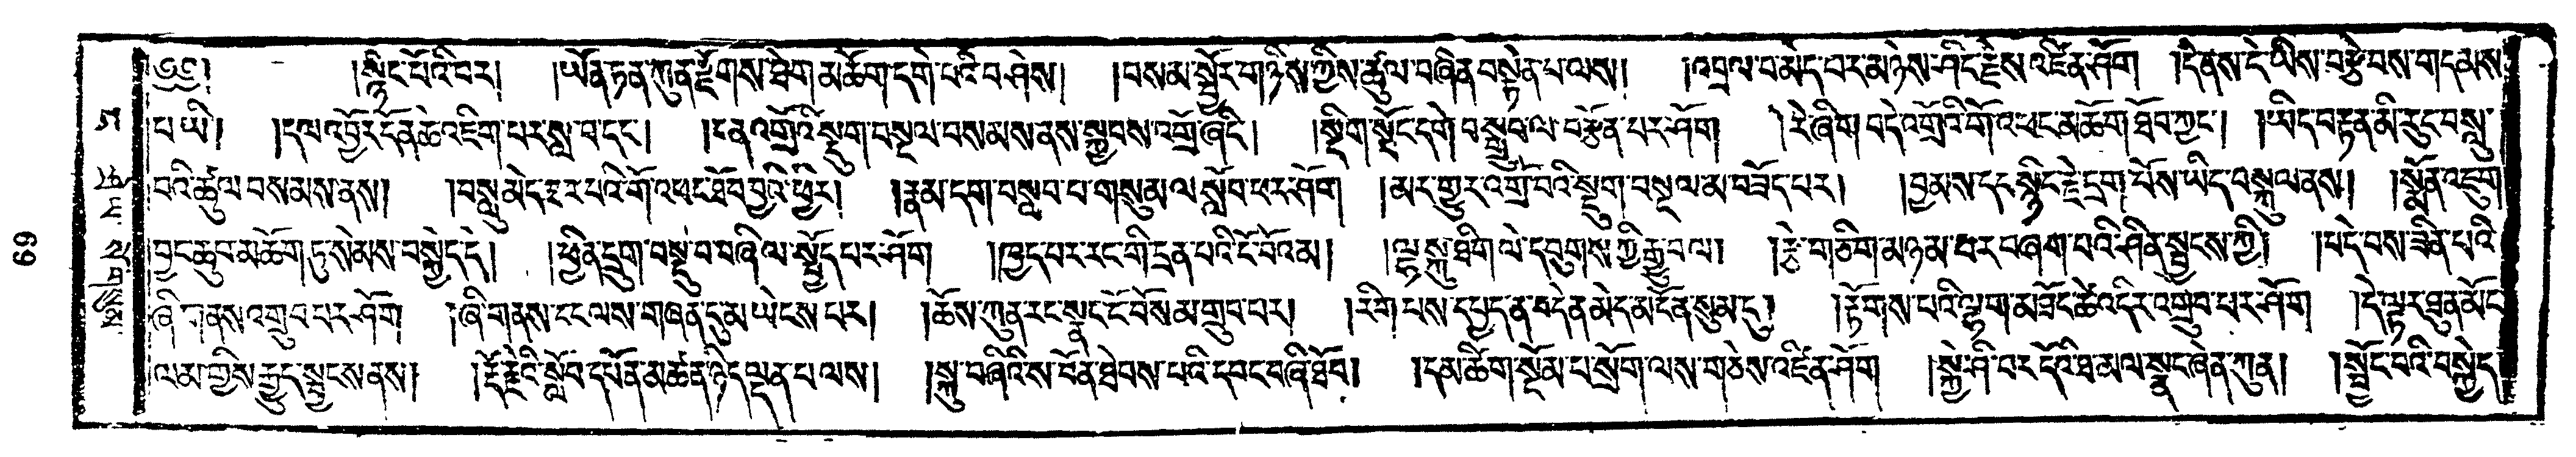༄༅། །སྙིང་པོའི་བར། །ཡོན་ཏན་ཀུན་རྫོགས་ཐེག་མཆོག་དགེ་བའི་བཤེས། །བསམ་སྦྱོར་གཉིས་ཀྱིས་ཚུལ་བཞིན་བསྟེན་པ་ལས། །འབྲལ་བ་མེད་པར་མཉེས་ཤིང་རྗེས་འཛིན་ཤོག །དེ་ནས་དེ་ཡིས་བརྩེབས་གདམས་
པ་ཡི། །དལ་འབྱོར་དོན་ཆེ་འཇིག་པར་སླ་བ་དང་། །ངན་འགྲོའི་སྡུག་བསྔལ་བསམས་ནས་སྐྱབས་འགྲོ་ཞིང་། །སྡིག་སྦོང་དགེ་བ་སྒྲུབ་ལ་བརྩོན་པར་ཤོག །རེ་ཞིག་བདེ་འགྲོའི་གོ་འཕང་མཆོག་ཐོབ་ཀྱང་། །ཡིད་བརྟན་མི་རུང་བསླུ་
བའི་ཚུལ་བསམས་ནས། །བསླུ་མེད་ཐར་པའི་གོ་འཕང་ཐོབ་བྱའི་ཕྱིར། །རྣམ་དག་བསླབ་པ་གསུམ་ལ་སློབ་ཕར་ཤོག །མར་གྱུར་འགྲོ་བའི་སྡུག་བསྔལ་མ་བཟོད་པར། །བྱམས་དང་སྙིང་རྗེ་དྲག་པོས་ཡིད་བསྐུལ་ནས། །སྨོན་འཇུག་
བྱང་ཆུབ་མཆོག་ཏུ་སེམས་བསྐྱེད་དེ། །ཕྱིན་དྲུག་བསྡུ་བ་བཞི་ལ་སྤྱོད་པར་ཤོག །ཁྱད་པར་རང་གི་དྲན་པའི་ངོ་བོའམ། །ལྷ་སྐུ་ཐིག་ལེ་དབུགས་ཀྱི་རྒྱུ་བ་ལ། །རྩེ་གཅིག་མཉམ་བར་བཞག་པའི་ཤིན་སྦྱངས་ཀྱི། །བདེ་བས་ཟིན་པའི་
ཞི་གནས་འགྲུབ་པར་ཤོག །ཞི་གནས་ངང་ལས་གཞན་དུ་མ་ཡེངས་པར། །ཆོས་ཀུན་རང་སྣང་ངོ་བོས་མ་གྲུབ་པར། །རིག་པས་དཔྱད་ན་བདེན་མེད་མངོན་སུམ་དུ། །རྟོགས་པའི་ལྷག་མཐོང་ཚེ་འདིར་འགྲུབ་པར་ཤོག །དེ་ལྟར་ཐུན་མོང་
ལམ་གྱིས་རྒྱུད་སྦྱངས་ནས། །རྡོ་རྗེའི་སློབ་དཔོན་མཚན་ཉིད་ལྡན་པ་ལས། །སྐུ་བཞིའི་ས་བོན་ཐེབས་པའི་དབང་བཞི་ཐོབ། །དམ་ཚིག་སྔོམ་པ་སྲོག་ལས་གཅེས་འཛིན་ཤོག །སྐྱེ་ཤི་བར་དོའི་ཐ་མལ་སྣང་ཞེན་ཀུན། །སྦྱོང་བའི་བསྐྱེད་